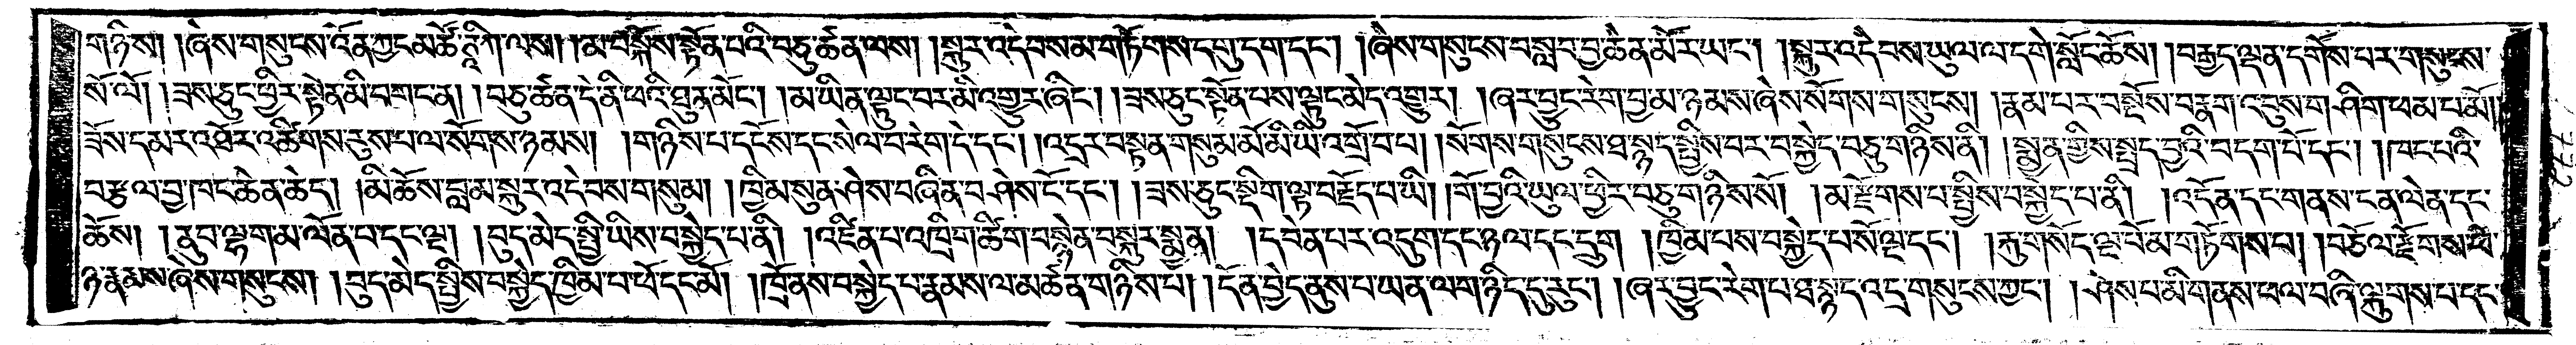གཉིས། །ཞེས་གསུངས་འོན་ཀྱང་མཚོ་ཊཱིཀ་ལས། །མ་བསྐོས་སྟོན་པའི་བཅུ་ཚན་ལས། །སྐུར་འདེབས་མ་གཏོགས་དགུ་དག་དང་། །ཞེས་གསུངས་བསླབ་བྱ་ཆེན་མོར་ཡང་། །སྐུར་འདོབས་ཡུལ་ལ་དགེ་སློང་ཆོས། །བརྒྱད་ལྡན་དགོས་པར་གསུངས་
སོ་ལོ། །ཟས་ཅུང་ཕྱིར་སྟོན་མི་བགྲང་ན། །བཅུ་ཚན་དེ་ནི་ཕའི་ཐུན་མོང་། །མ་ཡིན་ལྟུང་བར་མི་འགྱུར་ཞིང་། །ཟས་ཅུང་སྟོན་པས་ལྟུང་མེད་འགྱུར། །ཞར་བྱུང་རེག་བྱ་མ་ཉམས་ཞེས་སོགས་གསུངས། །རྣམ་པར་བསྔོས་བྲང་འབུས་གཤིག་ཕམ་པ་མོ།།
ཟོས་དམར་འཐོར་འཚིགས་རུས་པ་ལ་སོགས་ཉམས། །གཉིས་པ་དངོས་དང་སེལ་བ་རེག་དེ་དང་། །འདྲར་པ་སྟན་གསུམ་མོ་མི་ཡི་འགྲོ་བ་པ། །སོགས་གསུངས་ཐ་སྙད་སྤྱིས་བར་བསྐྱེད་བཅུ་གཉིས་ནི། །སྨྱན་གྱིས་སྤྲད་བྱའི་བདག་པོ་དང་། །ཁང་པའི་
བརྩལ་བྱ་ཁང་ཆེན་ཆེད། །མི་ཆོས་བླ་མ་སྐུར་འདེབས་གསུམ། །ཁྱིམ་སུན་ཤེས་བཞིན་བཤེས་ངོ་དང་། །ཟས་ཅུང་སྡིག་ལྟ་བརྗོད་པ་ཡི། །གོ་བྱའི་ཡུལ་ཕྱིར་བཅུ་གཉིས་སོ། །མ་རྫོགས་པ་སྤྱིས་བསྐྱེད་པ་ནི། །འདོན་དང་གནས་ངན་ལེན་དང་
ཆོས། །ནུབ་ལྷག་མ་ལོན་པ་དང་ལྔ། །བུད་མེད་སྤྱི་ཡིས་བསྐྱེད་པ་ནི། །འཛིན་པ་འཁྲིག་ཚིག་བསྙེན་བསྐུར་སྨྱན། །དབེན་པར་འདུག་དང་ཉལ་དང་དྲུག །ཁྱིམ་པས་བསྐྱེད་པ་སོ་ལྔ་དང་། །རྐུ་གསོད་ལྔ་པོ་མ་གཏོགས་པ། །བཅོལ་རྫོགས་ཕོ་
ཉ་རྣམས་ཞེས་གསུངས། །བུད་མེད་སྤྱིས་བསྐྱེད་ཁྱིམ་པ་ཕོ་དང་མོ། །ཁྲོ་ནས་བསྐྱེད་པ་རྣམས་ལ་མཚན་གཉིས་པ། །དོན་བྱེད་ནུས་པ་ཡན་ལག་ཉིད་དུ་རུང་། །ཞར་བྱུང་རེག་པ་ཐ་སྙད་འདྲ་གསུངས་ཀྱང་། །ཤེས་པ་མི་གནས་ཕལ་བཞི་ལྐུགས་པ་དང་